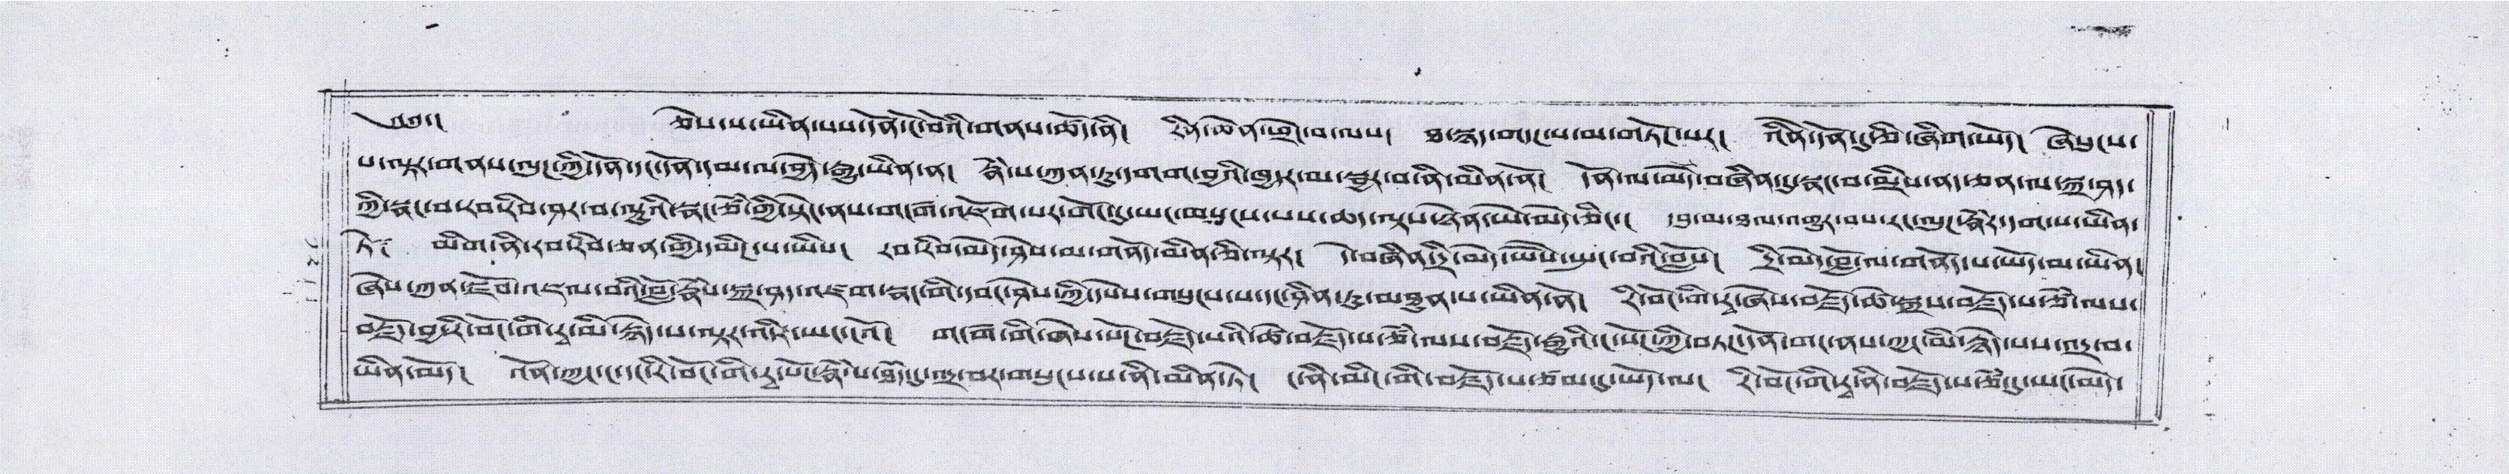ཅེས་པ་ཡིན་པས་དོན་ངོ་བོའི་གནས་ཚོད་ནི། རིན་ཆེན་ཕྲེང་བ་ལས། ཐ་སྙད་གདགས་པ་མ་གཏོགས་པར། འཇིག་རྟེན་དོན་དུ་ཅི་ཞིག་ཡོད། ཞེས་གསུངས་
པ་ལྟར་གནས་ལུགས་ཀྱི་དོན་དང་དོན་དམ་ལ་བྱེད་རྒྱུ་ཡིན་ན། རྣམ་པ་ཀུན་ཏུ་དགག་བྱའི་ཁྱད་པར་མ་སྦྱར་བ་ནི་མིན་ནོ། དོན་ལ་མེད་བཞིན་དུ་སྣང་བ་མཁྲིས་ནད་ཅན་ལ་སྐྲ་ཤད་
ཀྱི་སྣང་བ་རབ་རིབ་ཤར་བ་ལྟ་བུའི་སྣང་ཙམ་གྱི་སྟེང་ནས་གང་ཟག་འཇོག་པར་གོང་དུ་ཡང་གསུངས་པས་ཆད་ལྟས་ཉེན་ཡེ་མེད་ཅིང། དབུ་མ་ཐལ་འགྱུར་བས་རང་ལུགས་རྣམ་པར་དག་པ་ཡིན་
ཏེ། མིག་ནི་རབ་རིབ་ཅན་གྱི་དམིགས་པ་ཡིས། རབ་རིབ་མེད་ཤེས་མ་གནོད་མིན་ཅི་ལྟར། དེ་བཞིན་དྲི་མེད་ཡེ་ཤེས་སྤང་བའི་བློས། དྲི་མེད་བློ་ལ་གནོད་པ་ཡོད་མ་ཡིན་
ཞེས་ཀུན་རྫོབ་འཇལ་བའི་བློ་རྣམས་སྐྲ་ཤད་འཛག་སྣང་གི་དབང་ཤེས་ཀྱི་དཔེས་གསུངས་པ་དང་ཤིན་ཏུ་མཐུན་པ་ཡིན་ནོ། རི་བོང་གི་རྭ་ཞེས་བརྗོད་ཚེ་སྐྲས་བརྗོད་པ་ཙམ་ལས་
བརྗོད་བྱ་རི་བོང་གི་རྭ་མི་རྙེད་པ་ལྟར་འདིར་ཡང་ངའོ། གང་ཟག་གི་ཞེས་སོགས་བརྗོད་པའི་ཚེ་བརྗོད་པ་ཙམ་ལས་བརྗོད་རྒྱུའི་ང་སོགས་ཀྱི་བཏང་དོན་གང་ནས་ཀྱང་མི་རྙེད་པས་འདྲ་བ་
ཡིན་མོད། འོན་ཀྱང་ང་དང་རི་བོང་གི་རྭ་སོགས་རྣམ་པ་ཐམས་ཅད་དུ་འདྲ་བར་གསུངས་པ་ནི་མིན་ཏེ། ང་ནི་མིང་གི་བརྗོད་པ་ཙམ་དུ་ཡོད་ལ། རི་བོང་གི་རྭ་ནི་བརྗོད་པ་ཙམ་དུ་ཡང་མེད་